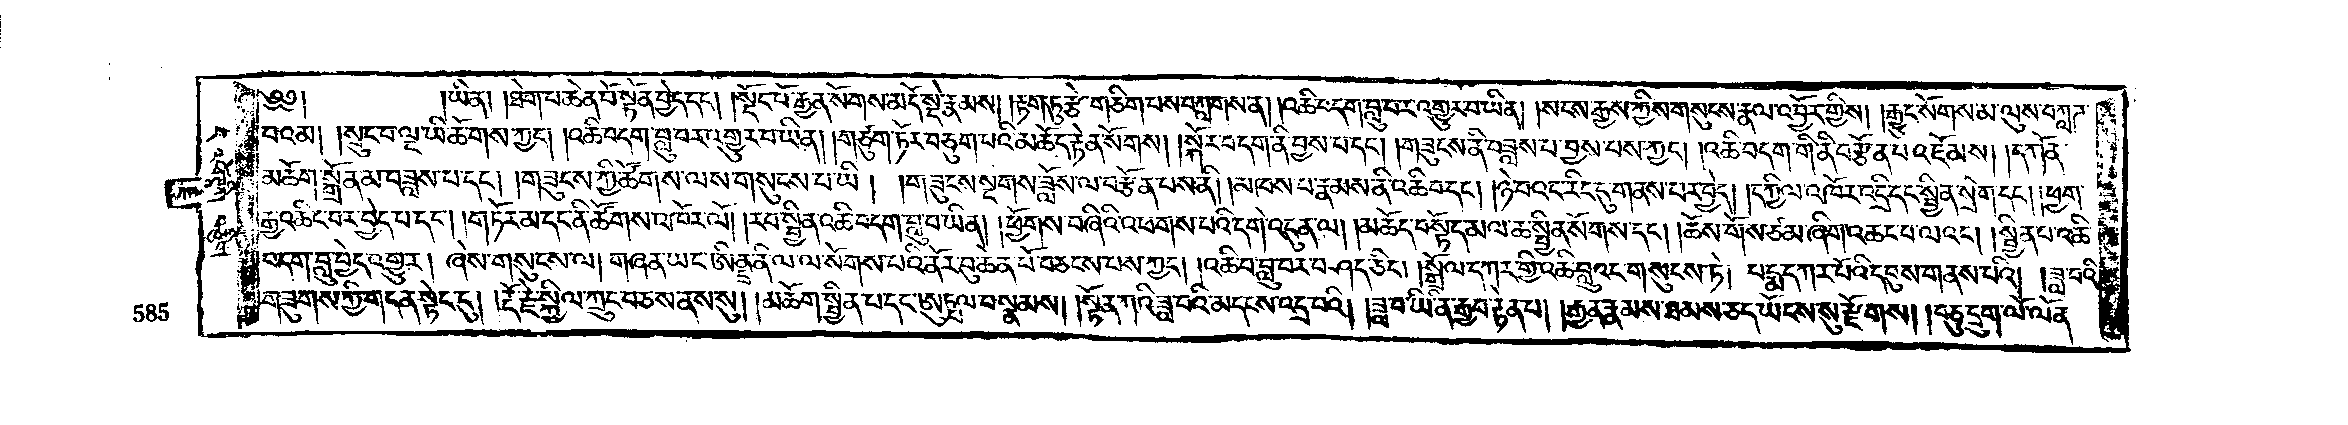༄༅། །ཡིན། །ཐེག་པ་ཆེན་པོ་སྟོན་བྱེད་དང་། །སྡོང་པོ་རྒྱན་སོགས་མདོ་སྡེ་རྣམས། །རྟག་ཏུ་རྩེ་གཅིག་པས་བཀླགས་ན། །འཆི་བདག་བླུ་བར་འགྱུར་བ་ཡིན། །སངས་རྒྱས་ཀྱིས་གསུངས་རྣལ་འབྱོར་གྱིས། །རྒྱུད་སོགས་མ་ལུས་བཀླགས་
བའམ། །སྲུང་བ་ལྔ་ཡི་ཆོ་གས་ཀྱང་། །འཆི་བདག་བླུ་བར་འགྱུར་བ་ཡིན། །གཙུག་ཏོར་བཅུག་པའི་མཆོད་རྟེན་སོགས། །སྐོར་བདག་ནི་བྱས་པ་དང་། །གཟུངས་ནི་བཟླས་པ་བྱས་པས་ཀྱང་། །འཆི་བདག་གི་ནི་བརྩོན་པ་འཇོམས། །དཀོན་
མཆོག་སྒྲོན་མ་བཟླས་པ་དང་། །གཟུངས་ཀྱི་ཚོགས་ལས་གསུངས་པ་ཡི། །གཟུངས་སྔགས་ཟློས་ལ་བརྩོན་པས་ནི། །མཁས་པ་རྣམས་ནི་འཆི་བ་དང་། །ཉེ་བའང་རིང་དུ་གནས་པར་བྱེད། །དཀྱིལ་འཁོར་འདྲི་དང་སྦྱིན་སྲེག་དང་། །ཕྱག་
རྒྱ་འཆིང་བར་བྱེད་པ་དང་། །གཏོར་མ་དང་ནི་ཚོགས་འཁོར་ལོ། །རབ་སྦྱིན་འཆི་བདག་བླུ་བ་ཡིན། །ཕྱོགས་བཞིའི་འཕགས་པའི་དགེ་འདུན་ལ། །མཆོད་བསྟོད་མལ་ཆ་སྦྱིན་སོགས་དང་། །ཆོས་གོས་ཙམ་ཞིག་འཆང་བ་ལའང་། །སྦྱིན་པ་འཆི་
བདག་བླུ་བྱེད་འགྱུར། ཞེས་གསུངས་ལ། གཞན་ཡང་ཨིནྡྲ་ནི་ལ་ལ་སོགས་པའི་ནོར་བུ་ཆེན་པོ་བཅངས་པས་ཀྱང་། །འཆི་བ་བླུ་བར་བཤད་ཅིང་། །སྒྲོལ་དཀར་གྱི་འཆི་བླུའང་གསུངས་ཏེ། པདམ་དཀར་པོའི་དབུས་གནས་པའི། །ཟླ་བའི་
གཟུགས་ཀྱི་གདན་སྟེང་དུ། །རྡོ་རྗེ་སྐྱིལ་ཀྲུང་བཅས་ནས་སུ། །མཆོག་སྦྱིན་པ་དང་ཨུཏྤལ་བསྣམས། །སྟོན་ཀའི་ཟླ་བའི་མདངས་འདྲ་བའི། །ཟླ་བ་ཡི་ནི་རྒྱབ་རྟེན་པ། །རྒྱན་རྣམས་ཐམས་ཅད་ཡོངས་སུ་རྫོགས། །བཅུ་དྲུག་ལོ་ལོན་